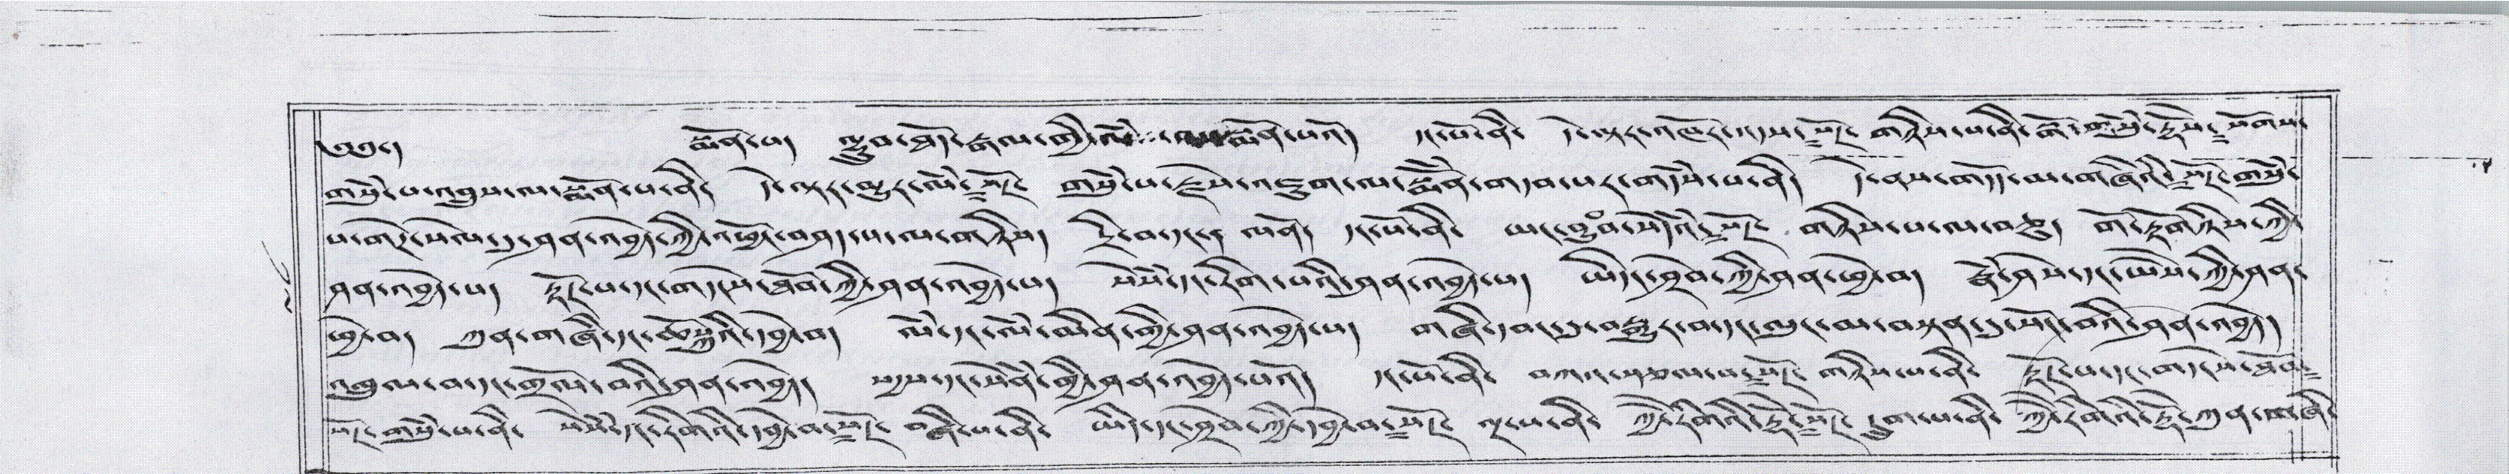སྨོན་པ། ལྷུན་གྲུབ་ཐོད་རྒལ་གྱི་ལམ་ལ་སྨོན་པའོ། དང་པོ་ནི། དེ་ལྟར་འཁོར་འདས་སོགས། གཉིས་པ་ནི་སྒོ་གསུམ་རྡོ་རྗེས་སོགས། 
གསུམ་པ་འབྲས་བུ་ལ་སྨོན་པ་ནི། དེ་ལྟར་མྱུར་ལམ་སོགས། གསུམ་པ་རྗེས་འཇུག་ལ་སྨོན་ལམ་གདབ་པར་གདམས་པ་ནི། དེ་ནས་གདོད་མ་གཞིའི་སོགས། གསུམ་
པ་གེགས་སེལ་དུ་ཤན་འབྱེད་ཀྱི་འཕྱོང་བཤད་པ་ལ་གཉིས། དྲི་བ་དང། ལན་ནོ། དང་པོ་ནི། ཡང་བྱང་ཆུབ་སེམས་དཔའ་འམ་སོགས། གཉིས་པ་ལ་བཅུ། གོ་རྟོག་གཉིས་ཀྱི་
ཤན་འབྱེད་པ། རྟོགས་པ་དང་གདེངས་ཐོབ་ཀྱི་ཤན་འབྱེད་པ། སེམས་དང་རིག་པའི་ཤན་འབྱེད་པ། ཡིད་དང་ཤེས་རབ་ཀྱི་ཤན་ཕྱེ་བ། རྣམ་ཤེས་དང་ཡེ་ཤེས་ཀྱི་ཤན་
ཕྱེ་བ། ཀུན་གཞི་དང་ཆོས་སྐུའི་དབྱེ་བ། ལམ་དང་ལམ་མིན་ཤན་འབྱེད་པ། གཞི་དབང་དུ་བསྒྱུར་བ་དང་ལུང་མ་བསྟན་དུ་སོང་བའི་ཤན་འབྱེད་
འཁྲུལ་བ་དང་གྲོལ་བའི་ཤན་འབྱེད། སངས་རྒྱས་དང་སེམས་ཅན་གྱི་ཤན་འབྱེད་པའོ། དང་པོ་ནི། བཀའ་སྩལ་བ་སོགས། གཉིས་པ་ནི། རྟོགས་པ་དང་གདེངས་ཐོབ་
སོགས། གསུམ་པ་ནི། སེམས་དང་རིག་པའི་དབྱེ་བ་སོགས། བཞི་པ་ནི། ཡིད་དང་ཤེས་རབ་ཀྱི་དབྱེ་བ་སོགས། ལྔ་པ་ནི། ཀྱཻ་རིག་པའི་རྡོ་རྗེ་སོགས། དྲུག་པ་ནི། ཀྱཻ་རིག་པའི་རྡོ་རྗེ་ཀུན་གཞི་